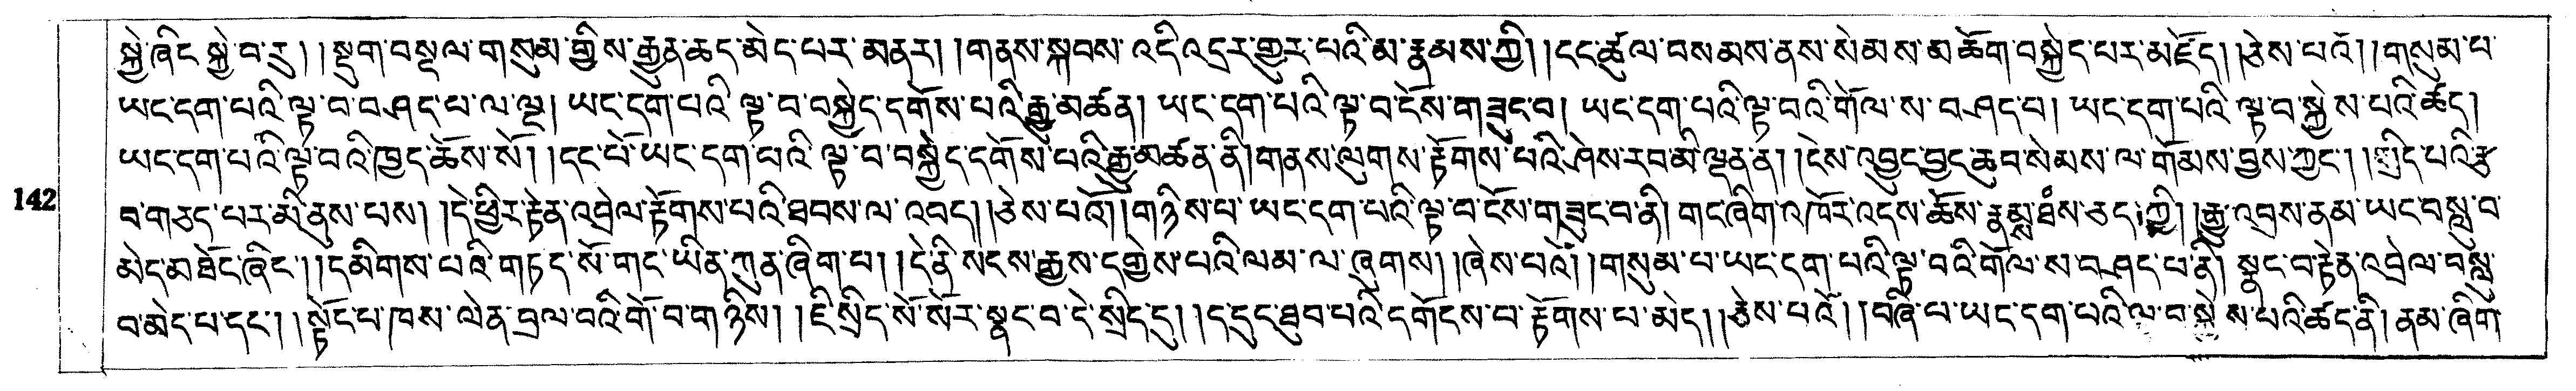སྐྱེ་ཞིང་སྐྱེ་བ་རུ། །སྡུག་བསྔལ་གསུམ་གྱིས་རྒྱུན་ཆད་མེད་པར་མནར། །གནས་སྐབས་འདི་འདྲར་གྱུར་པའི་མ་རྣམས་ཀྱི། །ངང་ཚུལ་བསམས་ནས་སེམས་མཆོག་བསྐྱེད་པར་མཛོད། །ཅེས་པའོ། །གསུམ་པ་
ཡང་དག་པའི་ལྟ་བ་བཤད་པ་ལ་ལྔ། ཡང་དག་པའི་ལྟ་བ་བསྐྱེད་དགོས་པའི་རྒྱུ་མཚན། ཡང་དག་པའི་ལྟ་བ་ངོས་གཟུང་བ། ཡང་དག་པའི་ལྟ་བའི་གོལ་ས་བཤད་པ། ཡང་དག་པའི་ལྟ་བ་སྐྱེས་པའི་ཚད།
ཡང་དག་པའི་ལྟ་བའི་ཁྱད་ཆོས་སོ། །དང་པོ་ཡང་དག་པའི་ལྟ་བ་བསྐྱེད་དགོས་པའི་རྒྱུ་མཚན་ནི། གནས་ལུགས་རྟོགས་པའི་ཤེས་རབ་མི་ལྡན་ན། །ངེས་འབྱུང་བྱང་ཆུབ་སེམས་ལ་གོམས་བྱས་ཀྱང་། །སྲིད་པའི་རྩ་
བ་གཅད་པར་མི་ནུས་པས། །དེ་ཕྱིར་རྟེན་འབྲེལ་རྟོགས་པའི་ཐབས་ལ་འབད། །ཅེས་པའོ། །གཉིས་པ་ཡང་དག་པའི་ལྟ་བ་ངོས་གཟུང་བ་ནི། གང་ཞིག་འཁོར་འདས་ཆོས་རྣམས་ཐམས་ཅད་ཀྱི། །རྒྱུ་འབྲས་ནམ་ཡང་བསླུ་བ་
མེད་མཐོང་ཞིང་། །དམིགས་པའི་གཏད་སོ་གང་ཡིན་ཀུན་ཞིག་པ། །དེ་ནི་སངས་རྒྱས་དགྱེས་པའི་ལམ་ལ་ཞུགས། །ཞེས་པའོ། །གསུམ་པ་ཡང་དག་པའི་ལྟ་བའི་གོལ་ས་བཤད་པ་ནི། སྣང་བ་རྟེན་འབྲེལ་བསླུ་
བ་མེད་པ་དང་། །སྟོང་པ་ཁས་ལེན་བྲལ་བའི་གོ་བ་གཉིས། །ཇི་སྲིད་སོ་སོར་སྣང་བ་དེ་སྲིད་དུ། །ད་དུང་ཐུབ་པའི་དགོངས་བ་རྟོགས་པ་མེད། །ཅེས་པའོ། །བཞི་པ་ཡང་དག་པའི་ལྟ་བ་སྐྱེས་པའི་ཚད་ནི། ནམ་ཞིག་